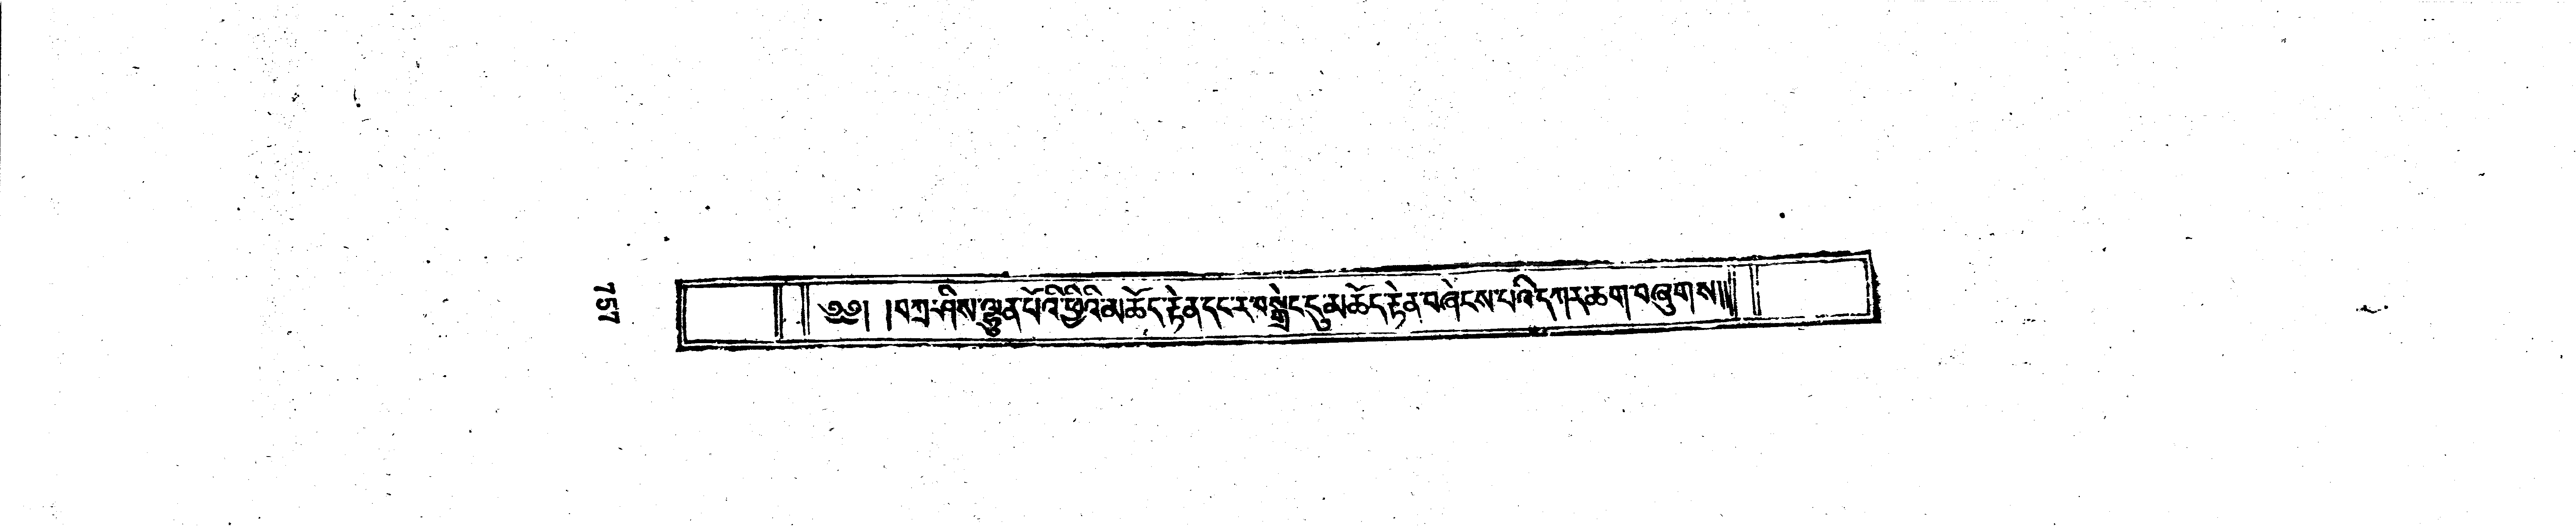༄༅། །བཀྲ་ཤིས་ལྷུན་པོའི་ཕྱིའི་མཆོད་རྟེན་དང་ར་བསྒྲེང་དུ་མཆོད་རྟེན་བཞེངས་པའི་དཀར་ཆག་བཞུགས། །